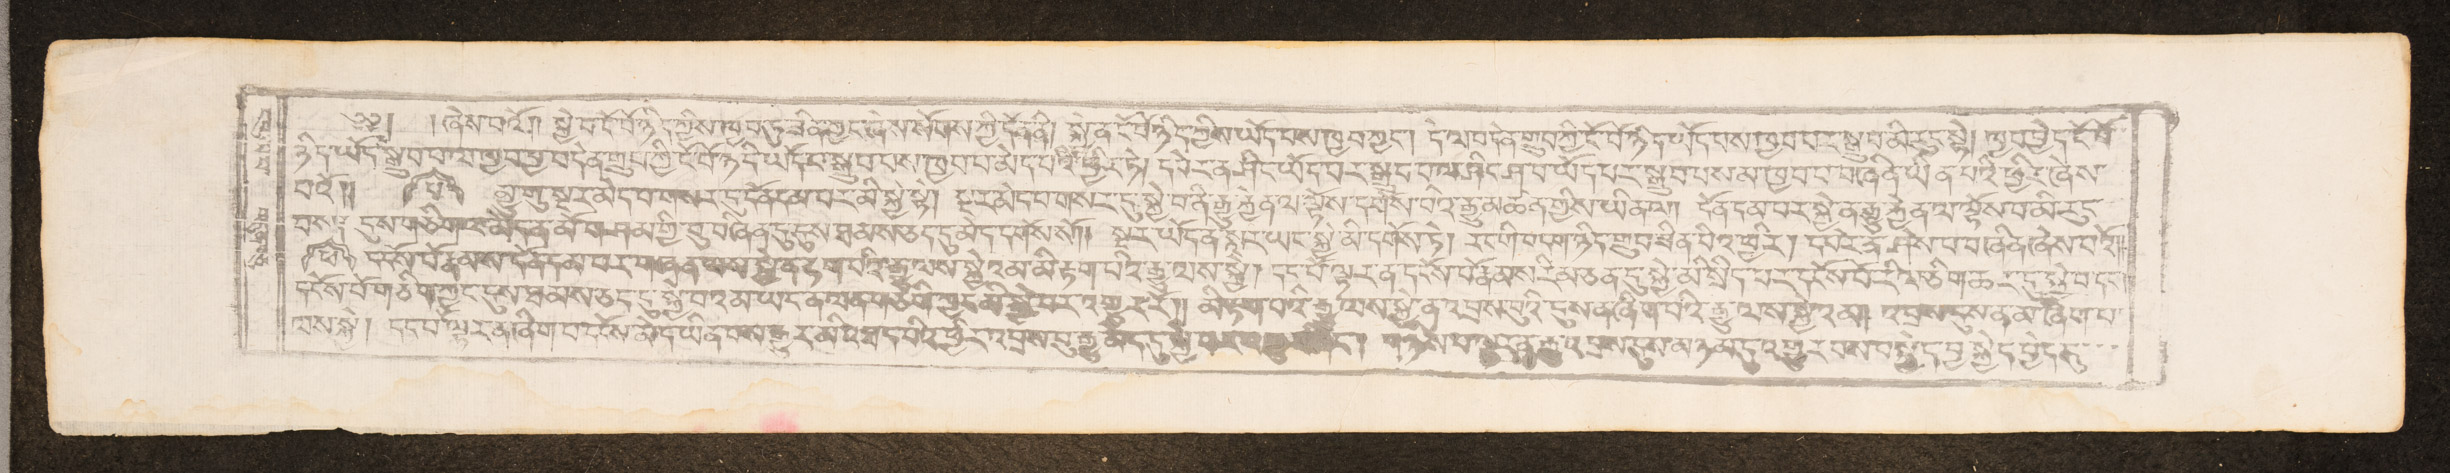༄༅། །ཞེས་པའོ།། སྐྱེ་བ་ངོ་བོ་ཉིད་ཀྱིས་ཁྱབ་ཏུ་ཟིན་ཀྱང་ཞེས་སོགས་ཀྱི་དོན་ནི། སྐྱེ་ན་ངོ་བོ་ཉིད་ཀྱིས་ཡོད་པས་ཁྱབ་ཀྱང་། དེ་ལ་བདེན་གྲུབ་ཀྱི་ངོ་བོ་ཉིད་ཡོད་པས་ཁྱབ་པར་སྒྲུབ་མི་རུང་སྟེ། ཁྱབ་བྱེད་ངོ་བོ་
ཉིད་ཡོད་སྒྲུབ་པ་ལ་ཁྱབ་བྱ་བདེན་གྲུབ་ཀྱི་ངོ་བོ་ཉིད་ཡོད་པ་སྒྲུབ་པས་ཁྱབ་པ་མེད་པའི་ཕྱིར་ཏེ། དཔེར་ན་ཤིང་ཡོད་པར་སྒྲུབ་པ་ལ་ཤིང་ཤ་བ་ཡོད་པར་སྒྲུབ་བསམ་ཁྱབ་པ་བཞིན་ཡིན་པའི་ཕྱིར་ཞེས་
བའོ།། ༼༽པ༼༽ མྱུ་གུ་སྔར་མེད་པ་གསར་དུ་དོན་དམ་པར་མི་སྐྱེ་སྟེ། སྔར་མེད་པ་གསར་དུ་སྐྱེ་བ་ནི་རྒྱུ་རྐྱེན་ལ་ལྟོས་དགོས་པའི་རྒྱུ་མཚན་གྱིས་ཡིན་ལ། དོན་དམ་པར་སྐྱེ་ན་རྒྱུ་རྐྱེན་ལ་ལྟོས་པ་མི་རུང་
བས༑ དུས་གཅིག་ལ་མེད་ན་མོ་གཤམ་གྱི་བུ་བཞིན་དུ་དུས་ཐམས་ཅད་དུ་མེད་དགོས་སོ།། སྔར་ཡོད་ན་སླར་ཡང་སྐྱེ་མི་དགོས་ཏེ། རང་གི་བདག་ཉིད་གྲུབ་ཟིན་པིའ་ཕྱིར། དཔེར་ན་ཤེས་པ་བཞིན་ཞེས་པའོ།།
༼༽ཕ༼༽ དངོས་པོ་རྣམས་དོན་དམ་པར་གཞན་ལས་སྐྱེ་ན་རྟག་པའི་རྒྱུ་ལས་སྐྱེ་འམ་མི་རྟག་པའི་རྒྱུ་ལས་སྐྱེ། དང་པོ་ལྟར་ན་དངོས་པོ་རྣམས་རིམ་ཅན་དུ་སྐྱེ་མི་སྲིད་པར་དངོས་པོ་རིལ་ཅིག་ཆར་དུ་སྐྱེ་བ་དང་།
དངོས་པོ་གཅིག་ཀྱང་དུས་ཐམས་ཅད་དུ་སྐྱེ་བའམ་ཡང་ན་ལན་གཅིག་ཀྱང་མི་སྐྱེ་བར་འགྱུར་རོ།། མི་རྟག་པའི་རྒྱུ་ལས་སྐྱེ་ན་འབྲས་བུའི་དུས་ན་ཞིག་པའི་རྒྱུ་ལས་སྐྱེ་འམ། འབྲས་དུས་ན་མ་ཞིག་པ་
ལས་སྐྱེ། དང་པོ་ལྟར་ན་ཞིག་པ་དངོས་མེད་ཡིན་པས་རྒྱུར་མི་འཐད་པའི་ཕྱིར་འབྲས་བུ་རྒྱུ་མེད་དུ་སྐྱེ་བར་འགྱུར་ཞིང་། གཉིས་པ་ལྟར་ན་རྒྱུ་འབྲས་དུས་མཉམ་དུ་འགྱུར་བས་བསྐྱེད་བྱ་སྐྱེད་བྱེད་དུ་